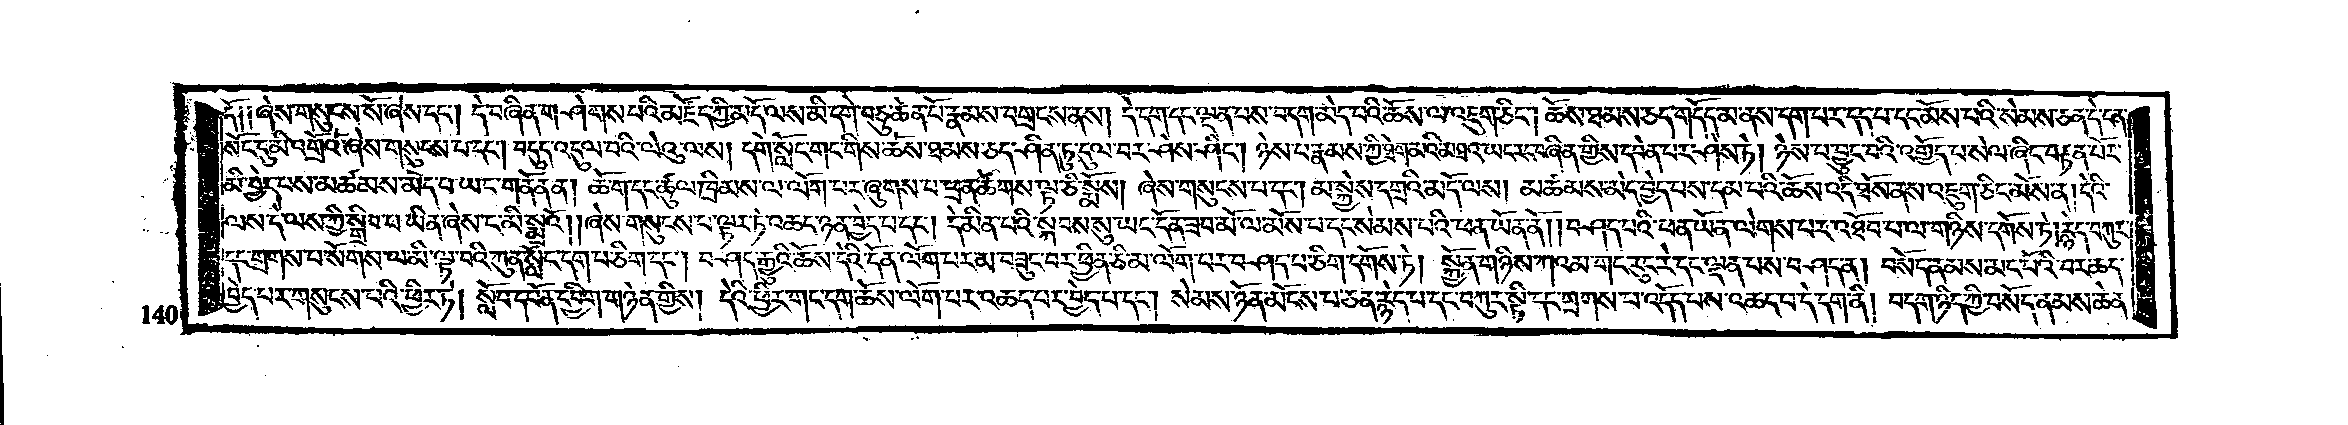དོ། །ཞེས་གསུངས་སོ་ཞེས་དང་། དེ་བཞིན་གཤེགས་པའི་མཛོད་ཀྱི་མདོ་ལས་མི་དགེ་བཅུ་ཆེན་པོ་རྣམས་བགྲངས་ནས། དེ་དག་དང་ལྡན་པས་བདག་མེད་པའི་ཆོས་ལ་འཇུག་ཅིང་། ཆོས་ཐམས་ཅད་གདོད་མ་ནས་དག་པར་དད་པ་དང་མོས་པའི་སེམས་ཅན་དེ་ངན་
སོང་དུ་མི་འགྲོའོ་ཞེས་གསུངས་པ་དང་། བདུད་འདུལ་བའི་ལེའུ་ལས། དགེ་སློང་གང་གིས་ཆོས་ཐམས་ཅད་ཤིན་ཏུ་དུལ་བར་ཤེས་ཤིང་། ཉེས་པ་རྣམས་ཀྱི་ཐོག་མའི་མཐའ་ཡང་རང་བཞིན་གྱིས་དབེན་པར་ཤེས་ཏེ། ཉེས་པ་བྱུང་བའི་འགྱོད་པ་སེལ་ཞིང་བརྟན་པོར་
མི་བྱེད་པས་མཚམས་མེད་པ་ཡང་གནོན་ན། ཆོ་ག་དང་ཚུལ་ཁྲིམས་ལ་ལོག་པར་ཞུགས་པ་ཕྲན་ཚེགས་ལྟ་ཅི་སྨོས། ཞེས་གསུངས་པ་དང་། མ་སྐྱེས་དགྲའི་མདོ་ལས། མཚམས་མེད་བྱེད་པས་དམ་པའི་ཆོས་འདི་ཐོས་ནས་འཇུག་ཅིང་མོས་ན། དེའི་
ལས་དེ་ལས་ཀྱི་སྒྲིབ་པ་ཡིན་ཞེས་ང་མི་སྨྲའོ། །ཞེས་གསུངས་པ་ལྟར་ཏེ་འཆད་ཉན་བྱེད་པ་དང་། དེ་མིན་པའི་སྐབས་སུ་ཡང་དོན་ཟབ་མོ་ལ་མོས་པ་དང་སེམས་པའི་ཕན་ཡོན་ནོ། །བཤད་པའི་ཕན་ཡོན་ལེགས་པར་འཐོབ་པ་ལ་གཉིས་དགོས་ཏེ། རྙེད་བཀུར་
དང་གྲགས་པ་སོགས་ལ་མི་ལྟ་བའི་ཀུན་སློང་དག་པ་ཞིག་དང་། བཤད་རྒྱུའི་ཆོས་དེའི་དོན་ལོག་པར་མ་བཟུང་བར་ཕྱིན་ཅི་མ་ལོག་པར་བཤད་པ་ཅིག་དགོས་ཏེ། སྐྱོན་གཉིས་ཀའམ་གང་རུང་རེ་དང་ལྡན་པས་བཤད་ན། བསོད་ནམས་མང་པོའི་བར་ཆད་
བྱེད་པར་གསུངས་པའི་ཕྱིར་ཏེ། སློབ་དཔོན་དབྱིག་གཉེན་གྱིས། དེའི་ཕྱིར་གང་དག་ཆོས་ལོག་པར་འཆད་པར་བྱེད་པ་དང་། སེམས་ཉོན་མོངས་པ་ཅན་རྙེད་པ་དང་བཀུར་སྟི་དང་གྲགས་པ་འདོད་པས་འཆད་པ་དེ་དག་ནི། བདག་ཉིད་ཀྱི་བསོད་ནམས་ཆེན་